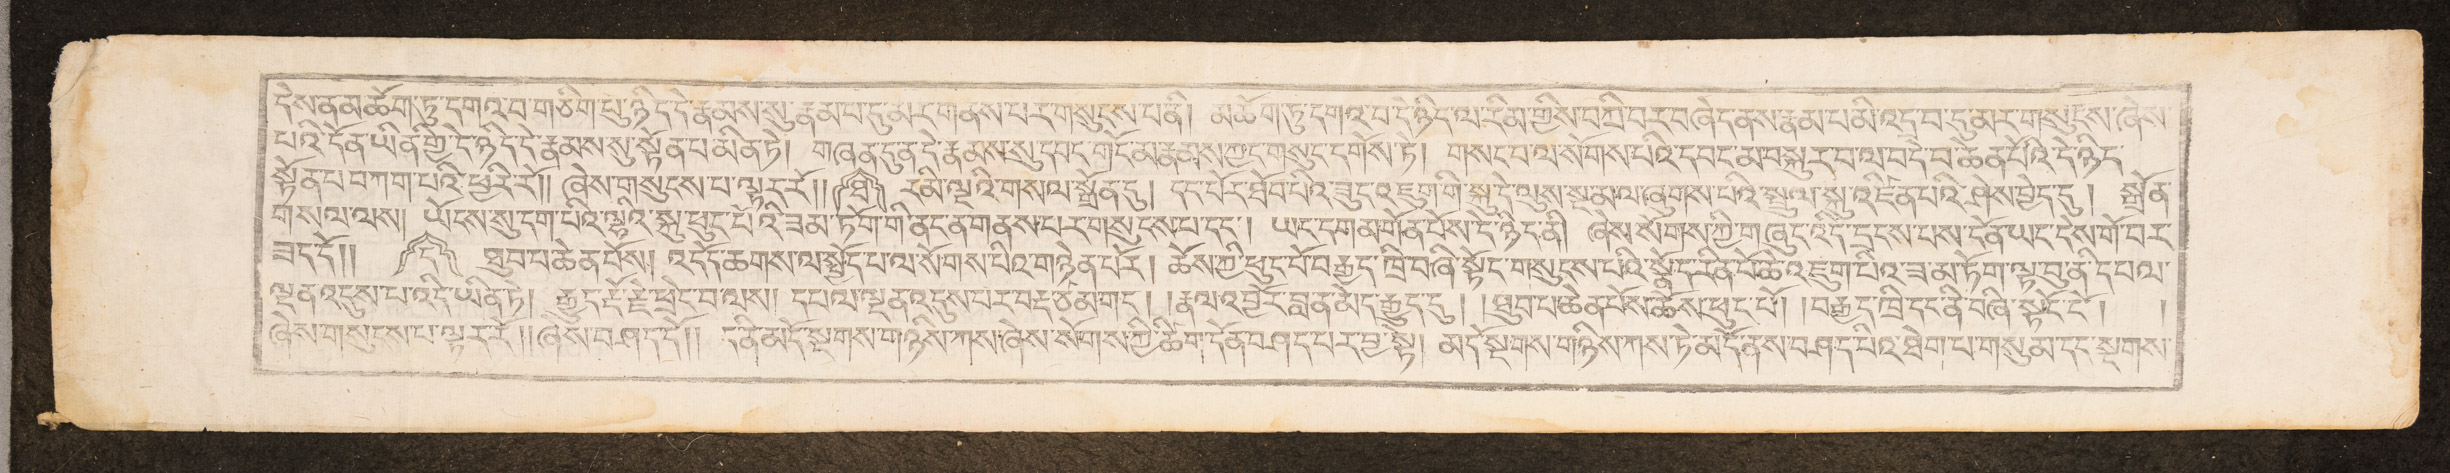དེས་ན་མཆོག་ཏུ་དགའ་བ་གཅིག་པུ་ཉིད་དེ་རྣམས་སུ་རྣམ་པ་དུ་མར་གནས་པར་གསུངས་པ་ནི། མཆོག་ཏུ་དགའ་བ་དེ་ཉིད་ལ་རིམ་གྱིས་བཀྲི་བར་བཞེད་ནས་རྣམ་པ་མི་འདྲ་པ་དུ་མར་གསུངས་ཞེས་
པའི་དོན་ཡིན་གྱི་དེ་ཉིད་དེ་རྣམས་སུ་སྟོན་པ་མིན་ཏེ། གཞན་དུ་ན་དེ་རྣམས་སུ་དབང་གོང་མ་རྣམས་ཀྱང་གསུང་དགོས་ཏེ། གསང་བ་ལ་སོགས་པའི་དབང་མ་བསྐུར་བ་ལ་བདེ་བ་ཆེན་པོའི་དེ་ཉིད་
སྟོན་པ་བཀག་པའི་ཕྱིར་རོ།། ཞེས་གསུངས་པ་ལྟར་རོ།། ༼༽ཐ༼༽ རིམ་ལྔའི་གསལ་སྒྲོན་དུ། དང་པོར་ཐོབ་པའི་ཟུང་འཇུག་གི་སྐུ་དེ་ལུས་སྔ་མ་ལ་ཞུགས་པའི་སྤྲུལ་སྐུ་འཛིན་པའི་ཤེས་བྱེད་དུ། སྒྲོན་
གསལ་ལས། ཡོངས་སུ་དག་པའི་ལྷའི་སྐུ་ཕུང་པོའི་ཟམ་ཏོག་གི་ནང་ན་གནས་པར་གསུངས་པ་དང་། ཡང་དག་མགོན་པོས་དེ་ཉིད་ནི། ཞེས་སོགས་ཀྱི་གཞུང་འདི་དྲངས་པས་དོན་ཡང་དེས་གོ་བར་
ཟད་དོ།། ༼༽ད༼༽ ཐུབ་པ་ཆེན་པོས། འདོད་ཆགས་ལ་སྤྱོད་པ་ལ་སོགས་པའི་གཉེན་པོར། ཆོས་ཀྱི་ཕུང་པོ་བརྒྱད་ཁྲི་བཞི་སྟོང་གསུངས་པའི་སྣོད་རིན་པོ་ཆེ་འཇུག་པའི་ཟ་མ་ཏོག་ལྟ་བུ་ནི་དཔལ་
ལྡན་འདུས་པ་འདི་ཡིན་ཏེ། རྒྱུད་རྡོ་རྗེ་ཕྲེང་བ་ལས། དཔལ་ལྡན་འདུས་པར་བརྡ་ཙམ་གང་། །རྣལ་འབྱོར་བླ་ན་མེད་རྒྱུད་དུ། །ཐུབ་པ་ཆེན་པོས་ཆོས་ཕུང་པོ། །བརྒྱད་ཁྲི་དང་ནི་བཞི་སྟོང་ངོ། །
ཞེས་གསུངས་པ་ལྟར་རོ། །ཞེས་བཤད་དོ། །ད་ནི་མདོ་སྔགས་གཉིས་ཀས་ཞེས་སོགས་ཀྱི་ཚིག་དོན་བཤད་པར་བྱ་སྟེ། མདོ་སྔགས་གཉིས་ཀས་ཏེ་མདོ་ནས་བཤད་པའི་ཐེག་པ་གསུམ་དང་སྔགས་